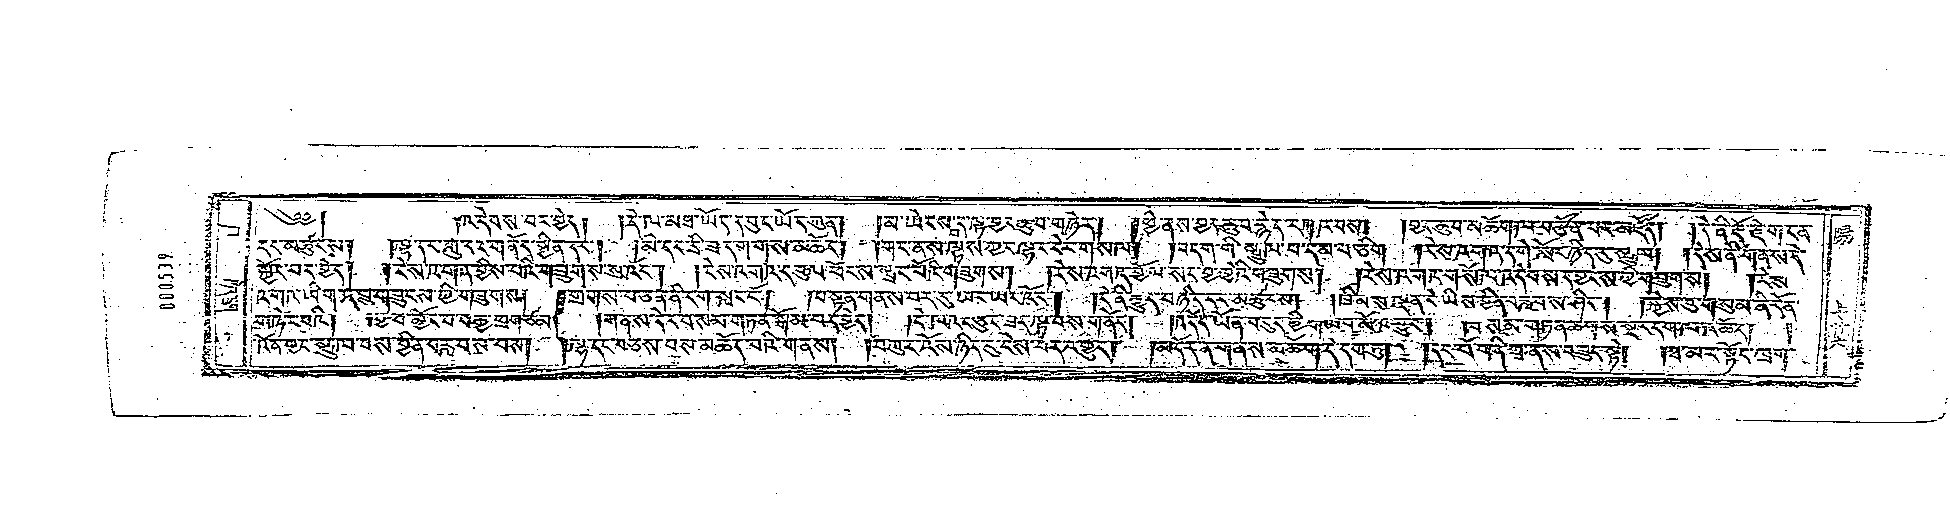༄༅། །འདེབས་བར་བྱེད། །དེ་ལ་མཐོ་ཡོད་དབུང་ཡོད་ཀུན། །མ་ཡེངས་ད་ལྟ་བྱང་ཆུབ་གཉེར། །ཕྱི་ནས་བྱང་ཆུབ་རྙེད་དཀའ་བས། །བྱང་ཆུབ་མཆོག་ལ་བརྩོན་པར་མཛོད། །དེ་ནི་རྡོ་རྗེ་གདན་
དང་མཚུངས། །ལྷ་དང་ཀླུ་དང་གནོད་སྦྱིན་དང་། །མི་དང་དྲི་ཟ་དག་གིས་མཆོད། །གང་ནས་ལྟས་ཀྱང་ལྷ་ང་དེར་གསལ། །བདག་གི་སྤྲུལ་པ་དམ་པ་ཅིག །རེས་འགའ་དགེ་སློང་ཉིད་དུ་སྤྲུལ། །དེས་ནི་གནས་དེ་
སྐྱོང་བར་བྱེད། །རེས་འགའ་བྱིས་པའི་གཟུགས་སུ་འོང་། །རེས་འགའ་དབུལ་ཕོངས་སྤྲང་པོའི་གཟུགས། །རེས་འགའ་བྱོལ་སང་བྱ་ཁྱེའི་གཟུགས། །རེས་འགའ་གསོལ་འདེབས་དབྱངས་ཀྱི་གཟུགས། །རེས་
འགའ་ཡིག་འབྲུ་གཟུངས་ཀྱི་གཟུགས། །གྲགས་པ་ཅན་ནི་དགེ་སློང་ངོ། །བསྟན་གནས་བར་དུ་ཡང་ཡང་འོད་།དེ་ནི་རྒྱུད་བ་ཉིད་དང་མཚུངས། །ཁྲིམས་ལྡན་དེ་ཡིས་བྱིན་བརླབས་ཤིང་། །སྐྱེས་བུ་གསུམ་ནི་དོན་
གཉེར་བའི། །བྱ་བ་མྱོང་བ་བརྒྱ་ཕྲག་ཙམ། །གནས་དེར་བསམ་གཏན་སྒོམ་པར་བྱེད། །དེ་ལའང་ཅུང་ཟད་ལྟ་བས་གནོད། །འདོད་ཡོན་བདུད་ཀྱི་གཡབ་མོ་འགྱུར། །བསམ་གཏན་ཆགས་སྡང་དག་ལ་འཆོང་། །
འོན་ཀྱང་སྤྲུལ་བས་བྱིན་བརླབས་པས། །ལྷ་དང་བཅས་བས་མཆོད་པའི་གནས། །བཀུར་འོས་ཉིད་དུ་ངེས་པར་འགྱུར། །མདོར་ན་གནས་མཆོག་དེ་དག་ཏུ། །དང་པོ་བཞི་གྲྭ་ནས་བཟུང་སྟེ། །ཐ་མར་སྟོང་ཁྲག་